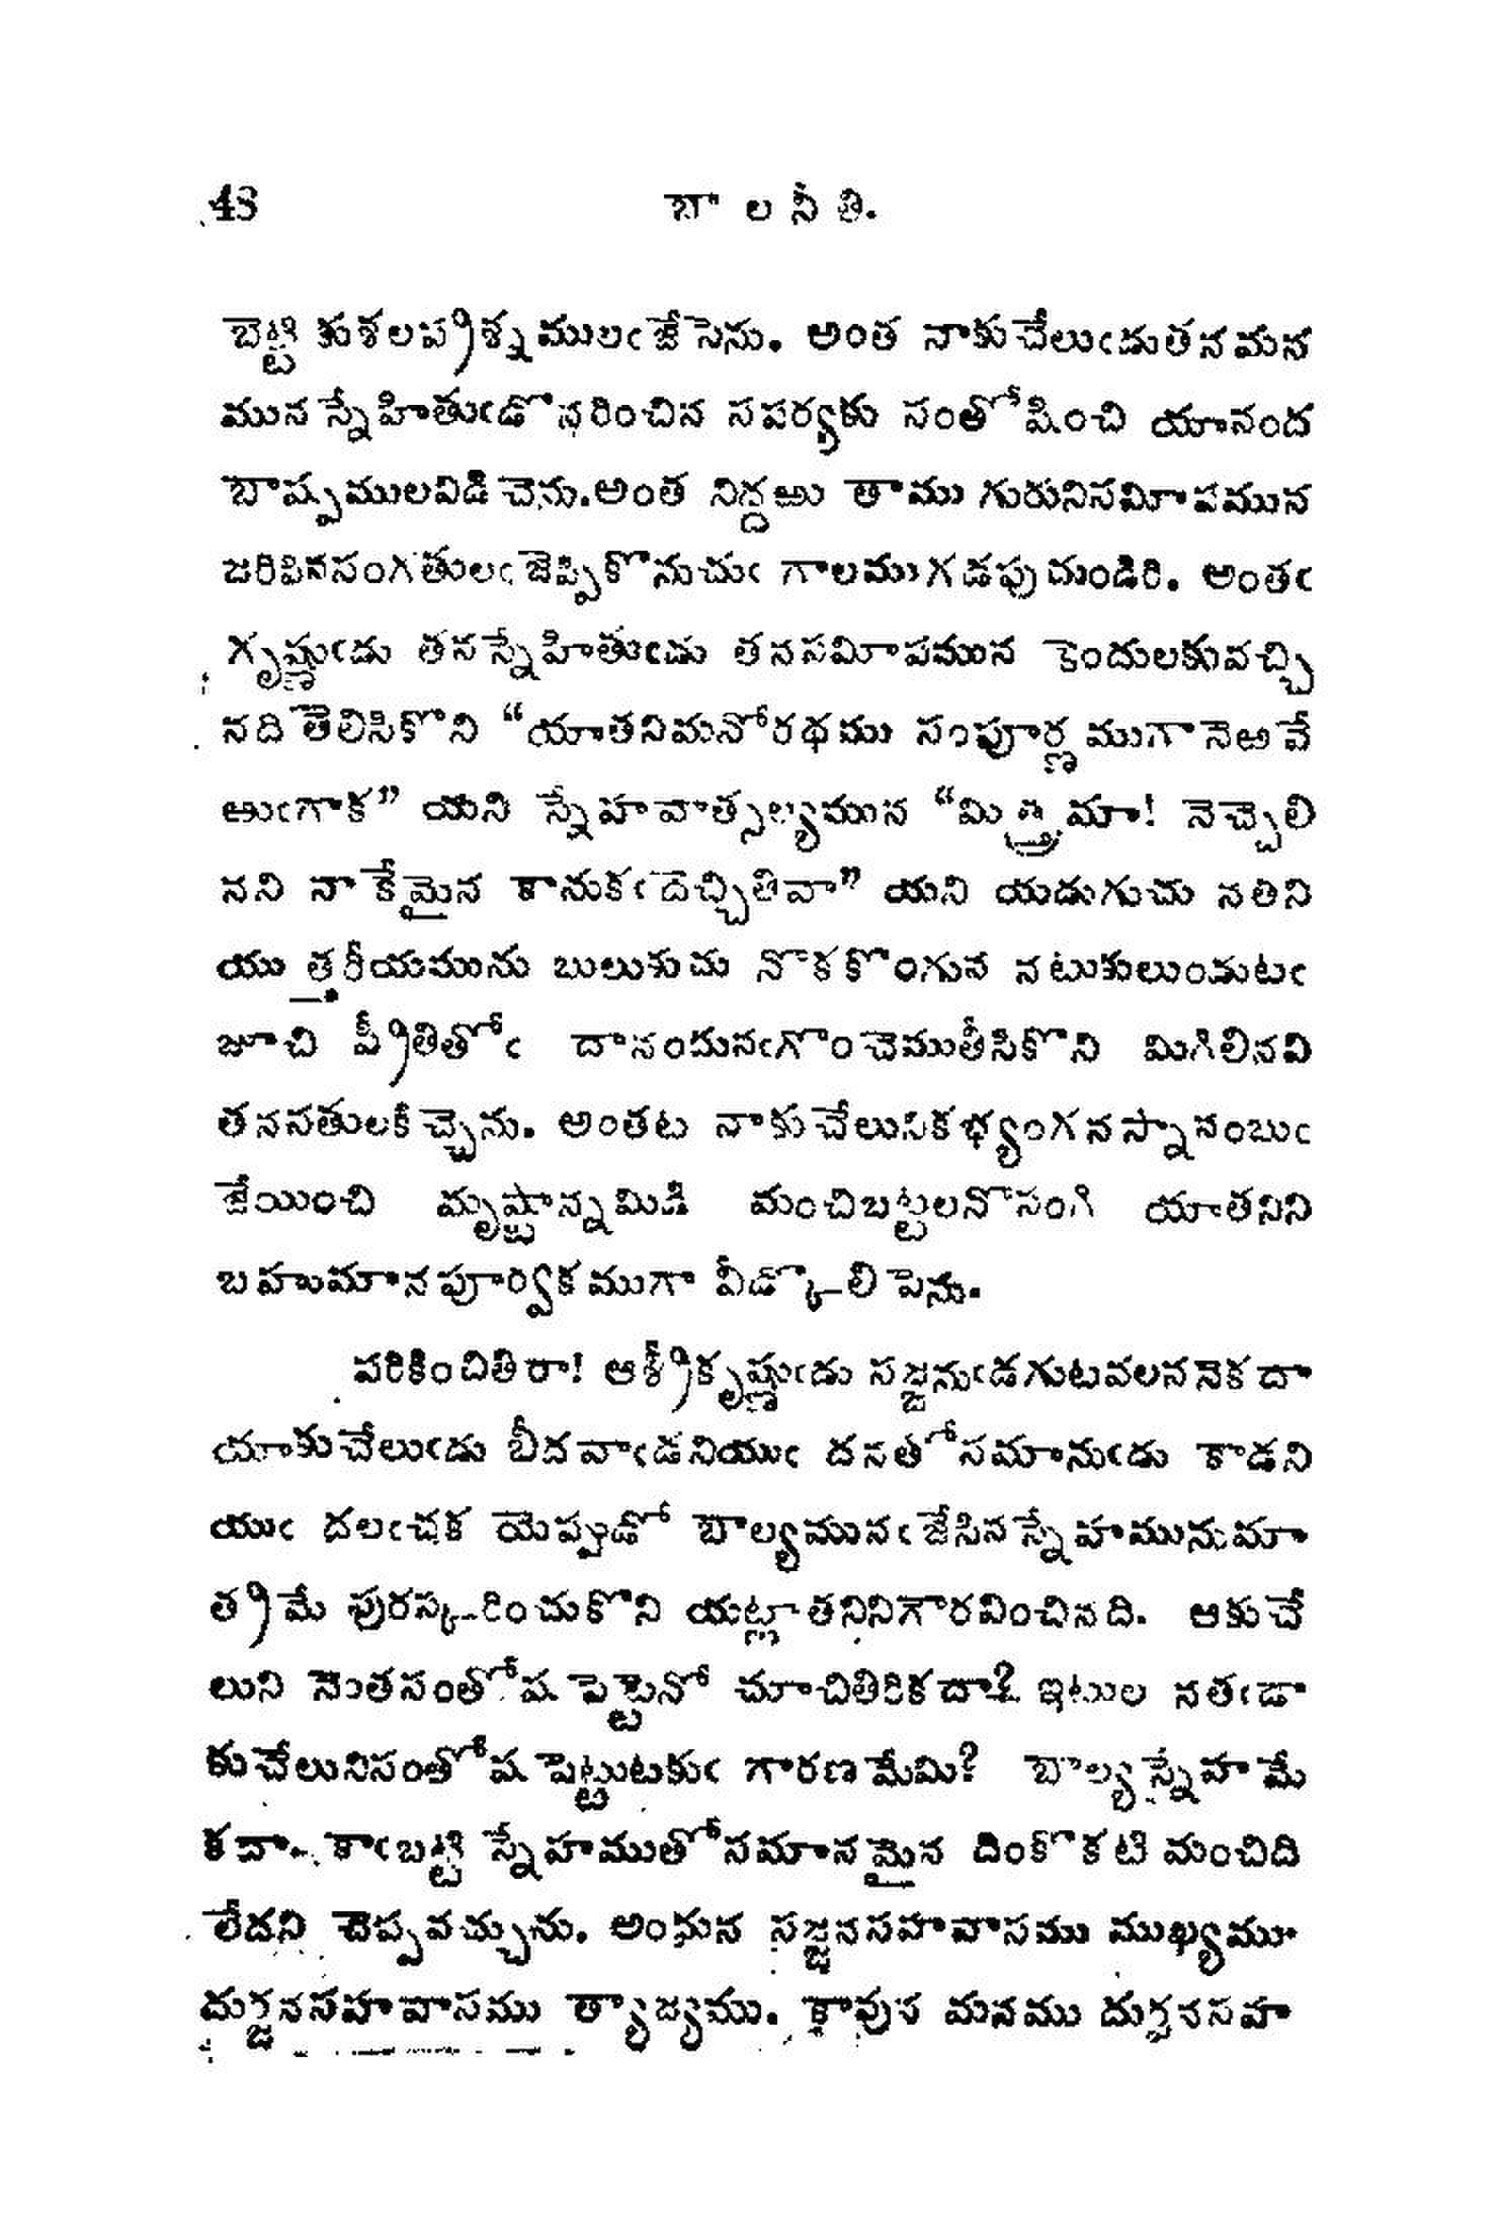బెట్టి కుశలప్రశ్నములఁజేసెను. అంత నాకుచేలుఁడుతనమన
మున స్నేహితుఁడొనరించిన సపర్యకు సంతోషించి యానంద
బాష్పములవిడిచెను. అంత నిద్దఱు తాము గురునిసమీపమున
జరిపిన సంగతులఁ జెప్పికొనుచుఁ గాలముగడుపుచుండిరి. అంతఁ
గృష్ణుఁడు తనస్నేహితుఁడు తనసమీపమున కెందులకువచ్చి
నదితెలిసికొని "యాతనిమనోరథము సంపూర్ణముగానెఱవే
ఱుఁగాక" యని స్నేహవాత్సల్యమున "మిత్త్రమా! నెచ్చెలి
నని నాకేమైన కానుకఁదెచ్చితివా? యని యడుగుచు నతని
యుత్తరీయమును బులుకుచు నొకకొంగున నటుకులుండుటఁ 
జూచి ప్రీతితోఁ దానందునఁగొంచెముతీసికొని మిగిలనవి 
తనసతులకిచ్చెను. అంతట నాకుచేలునికభ్యంగనస్నానంబుఁ
జేయించి మృష్టాన్నమిడి మంచిబట్టలనొసంగి యాతనిని 
బహుమానపూర్వకముగా వీడ్కొలిపెను.

పరికించితిరా! ఆశ్రీకృష్ణుఁడు సజ్జనుఁడగుటవలననెకదా 
యాకుచేలుఁడు బీదవాఁడనియుఁ దనతోసమానుఁడు కాడని
యుఁ దలఁచక యెప్పుడో బాల్యమునఁ జేసినస్నేహమునుమా
త్రమే పురస్కరించుకొని యట్లాతనినిగౌరవించినది. ఆకుచే
లుని నెంతసంతోషపెట్టెనో చూచితిరికదా? ఇటుల నతఁడా
కుచేలునిసంతోషపెట్టుటకుఁ గారణమేమి? బాల్యస్నేహమే
కదా. కాఁబట్టి స్నేహముతోసమానమైన దింకొకటి మంచిది 
లేదని చెప్పవచ్చును. అందున సజ్జనసహవాసము ముఖ్యము. 
దుర్జనసహవాసము త్యాజ్యము. కావున మనము దుర్జనసహ